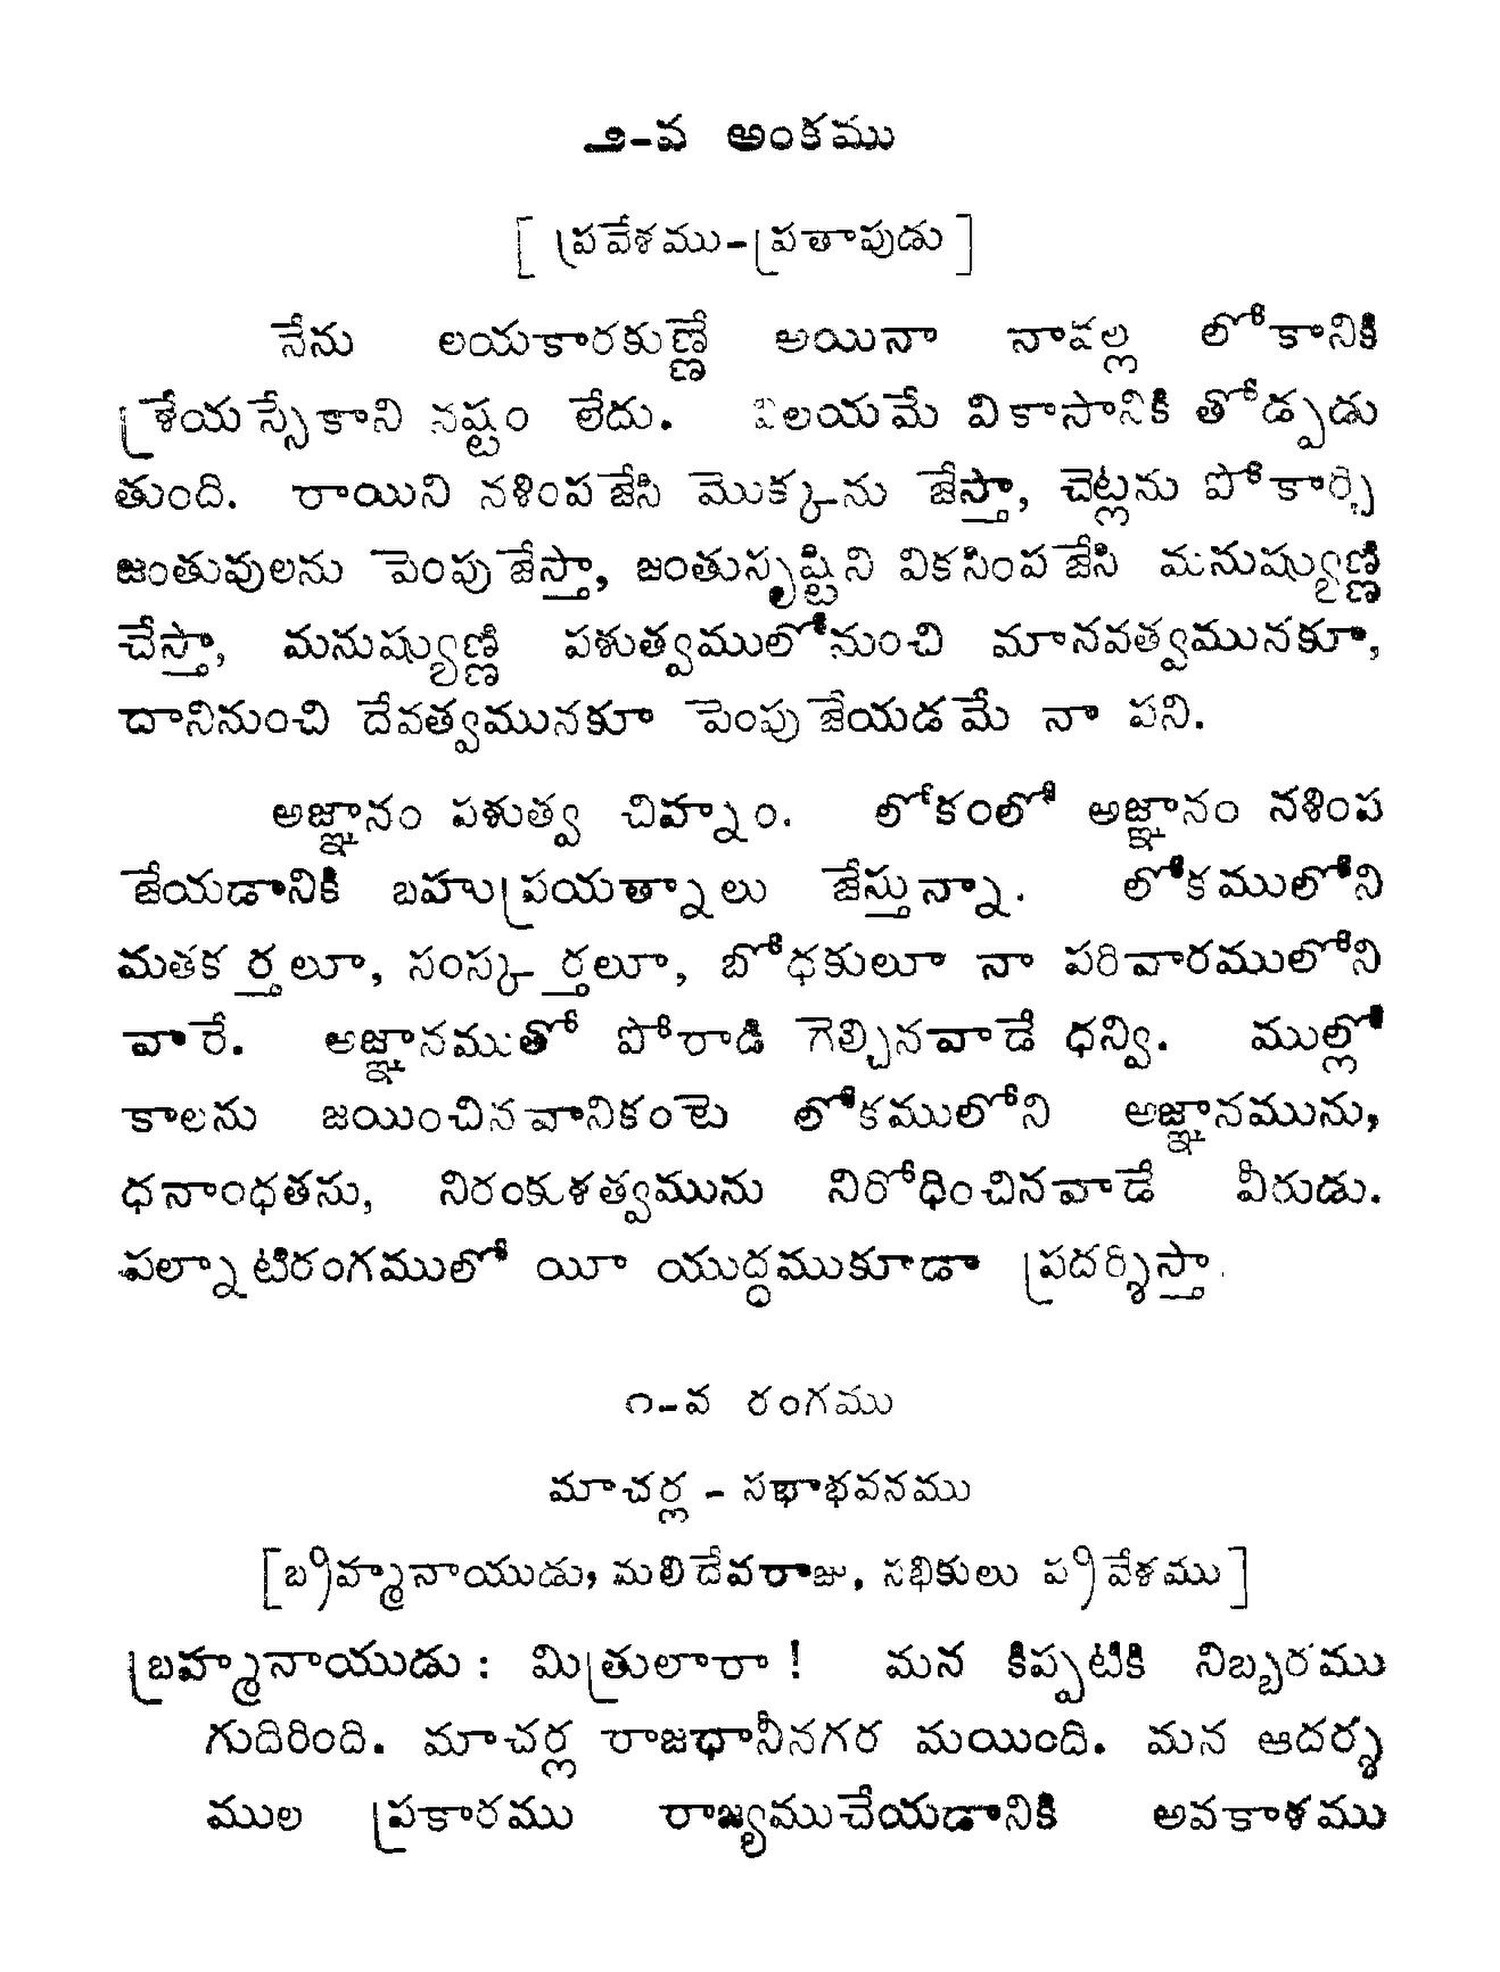2-వ అంకము

నేను లయకారకుణ్ణే అయినా నావల్ల లోకానికి శ్రేయస్సేకాని నష్టం లేదు. విలయమే వికాసానికి తోడ్పడుతుంది. రాయిని నశింపజేసి మొక్కను జేస్తా, చెట్లను పోకార్చి జంతువులను పెంపు జేస్తా, జంతుసృష్టిని వికసింపజేసి మనుష్యుణ్ణి చేస్తా, మనుష్యుణ్ణి పశుత్వములోనుంచి మానవత్వమునకూ,
దానినుంచి దేవత్వమునకూ పెంపు జేయడమే నా పని.

అజ్ఞానం పశుత్వ చిహ్నం. లోకంలో అజ్ఞానం నశింపజేయడానికి బహుప్రయత్నాలు జేస్తున్నా,
లోకములోని మతకర్తలూ, సంస్కర్తలూ, బోధకులూ నా పరివారములోని వారే. అజ్ఞానముతో పోరాడి గెల్చినవాడే ధన్వి. ముల్లోకాలను జయించినవానికంటె లోకములోని అజ్ఞానమును, ధనాంధతను, నిరంకుశత్వమును నిరోధించినవాడే వీరుడు. పల్నాటిరంగములో యీ యుద్ధముకూడా ప్రదర్శిస్తా

బ్రహ్మనాయుడు : మిత్రులారా ! మన కిప్పటికి నిబ్బరము గుదిరింది. మాచర్ల రాజధానీనగర మయింది. మన ఆదర్శముల ప్రకారము రాజ్యముచేయడానికి అవకాశము